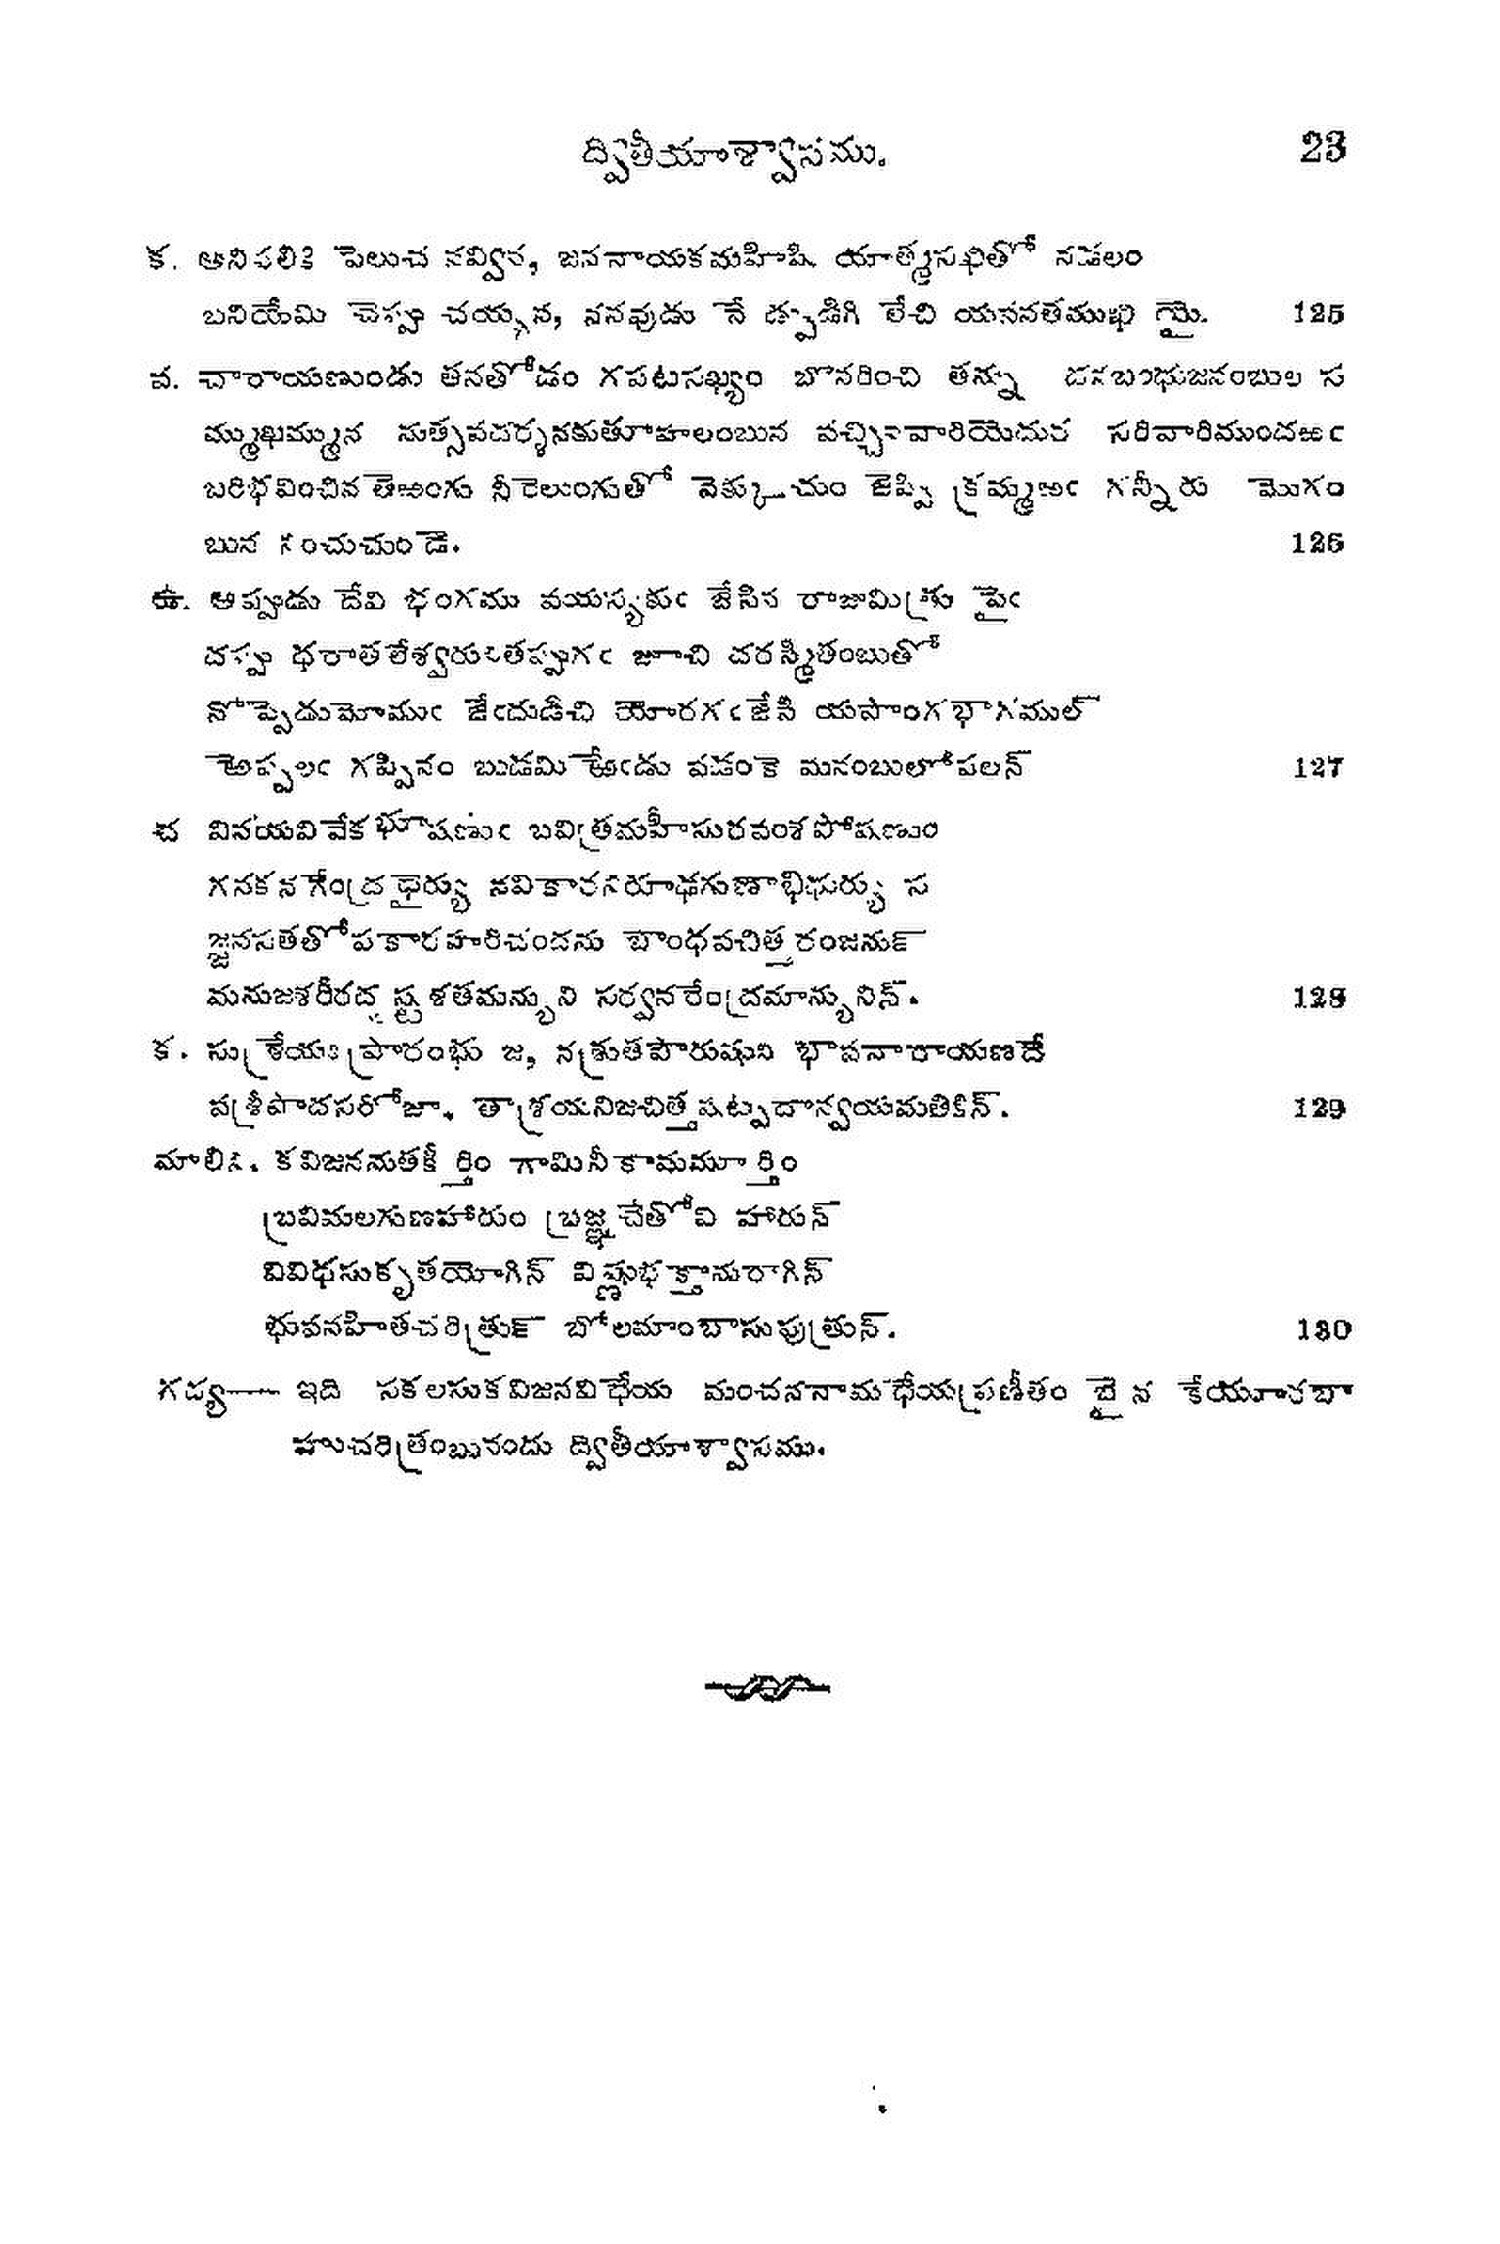క. అని పలికి పెలుచ నవ్విన, జననాయకమహిషి యాత్మసఖితో నడలం
 బని యేమి చెప్పు చయ్యన, ననవుడు నే డ్పుడిగి లేచి యవనతముఖి యై.
వ. చారాయణుండు తనతోడం గపటసఖ్యం బొనరించి తన్ను దనబంధుజనంబుల స
 మ్ముఖమ్మున నుత్సవదర్శనకుతూహలంబున వచ్చినవారియెదుర సరివారిముందఱఁ
 బరిభవించిన తెఱంగు నీరెలుంగుతో వెక్కుచుం జెప్పి క్రమ్మఱఁ గన్నీరు మొగం
 బున నించుచుండె.
ఉ. అప్పుడు దేవి భంగము వయస్యకుఁ జేసిన రాజుమిత్రుపైఁ
 దప్పు ధరాతలేశ్వరునితప్పుగఁ జూచి దరస్మితంబుతో
 నొప్పెడు మోముఁ జేఁదుడిచి యోరగఁ జేసి యపాంగభాగముల్
 ఱెప్పలఁ గప్పినం బుడమిఱేఁడు వడంకె మనంబులోపలన్.
చ. వినయవివేకభూషణుఁ బవిత్రమహీసురవంశపోషణుం
 గనకనగేంద్రధైర్యు సవికారరూఢగుణాభిధుర్యు స
 జ్జనసతతోపకారహరిచందను బాంధవచిత్తరంజనున్
 మనుజశరీరదృష్టశతమన్యుని సర్వనరేంద్రమాన్యునిన్.
క. సుశ్రేయఃప్రారంభు జ, నశ్రుతపౌరుషుని భావనారాయణదే
 వశ్రీపాదసరోజా, తాశ్రయనిజచిత్తషట్పదాన్వయమతికిన్.
మాలిని. కవిజననుతకీర్తిం గామినీకామమూర్తిం
 బ్రవిమలగుణహారుం బ్రజ్ఞచేతోనిహారున్
 వివిధసుకృతయోగిన్ విష్ణుభక్తానురాగిన్
 భువనహితచరిత్రున్ బోలమాంబాసుపుత్రున్.
గద్య— ఇది సకలసుకవిజనవిధేయ మంచననామధేయప్రణీతం బైన కేయూరబా
 హుచరిత్రంబునందు ద్వితీయాశ్వాసము.